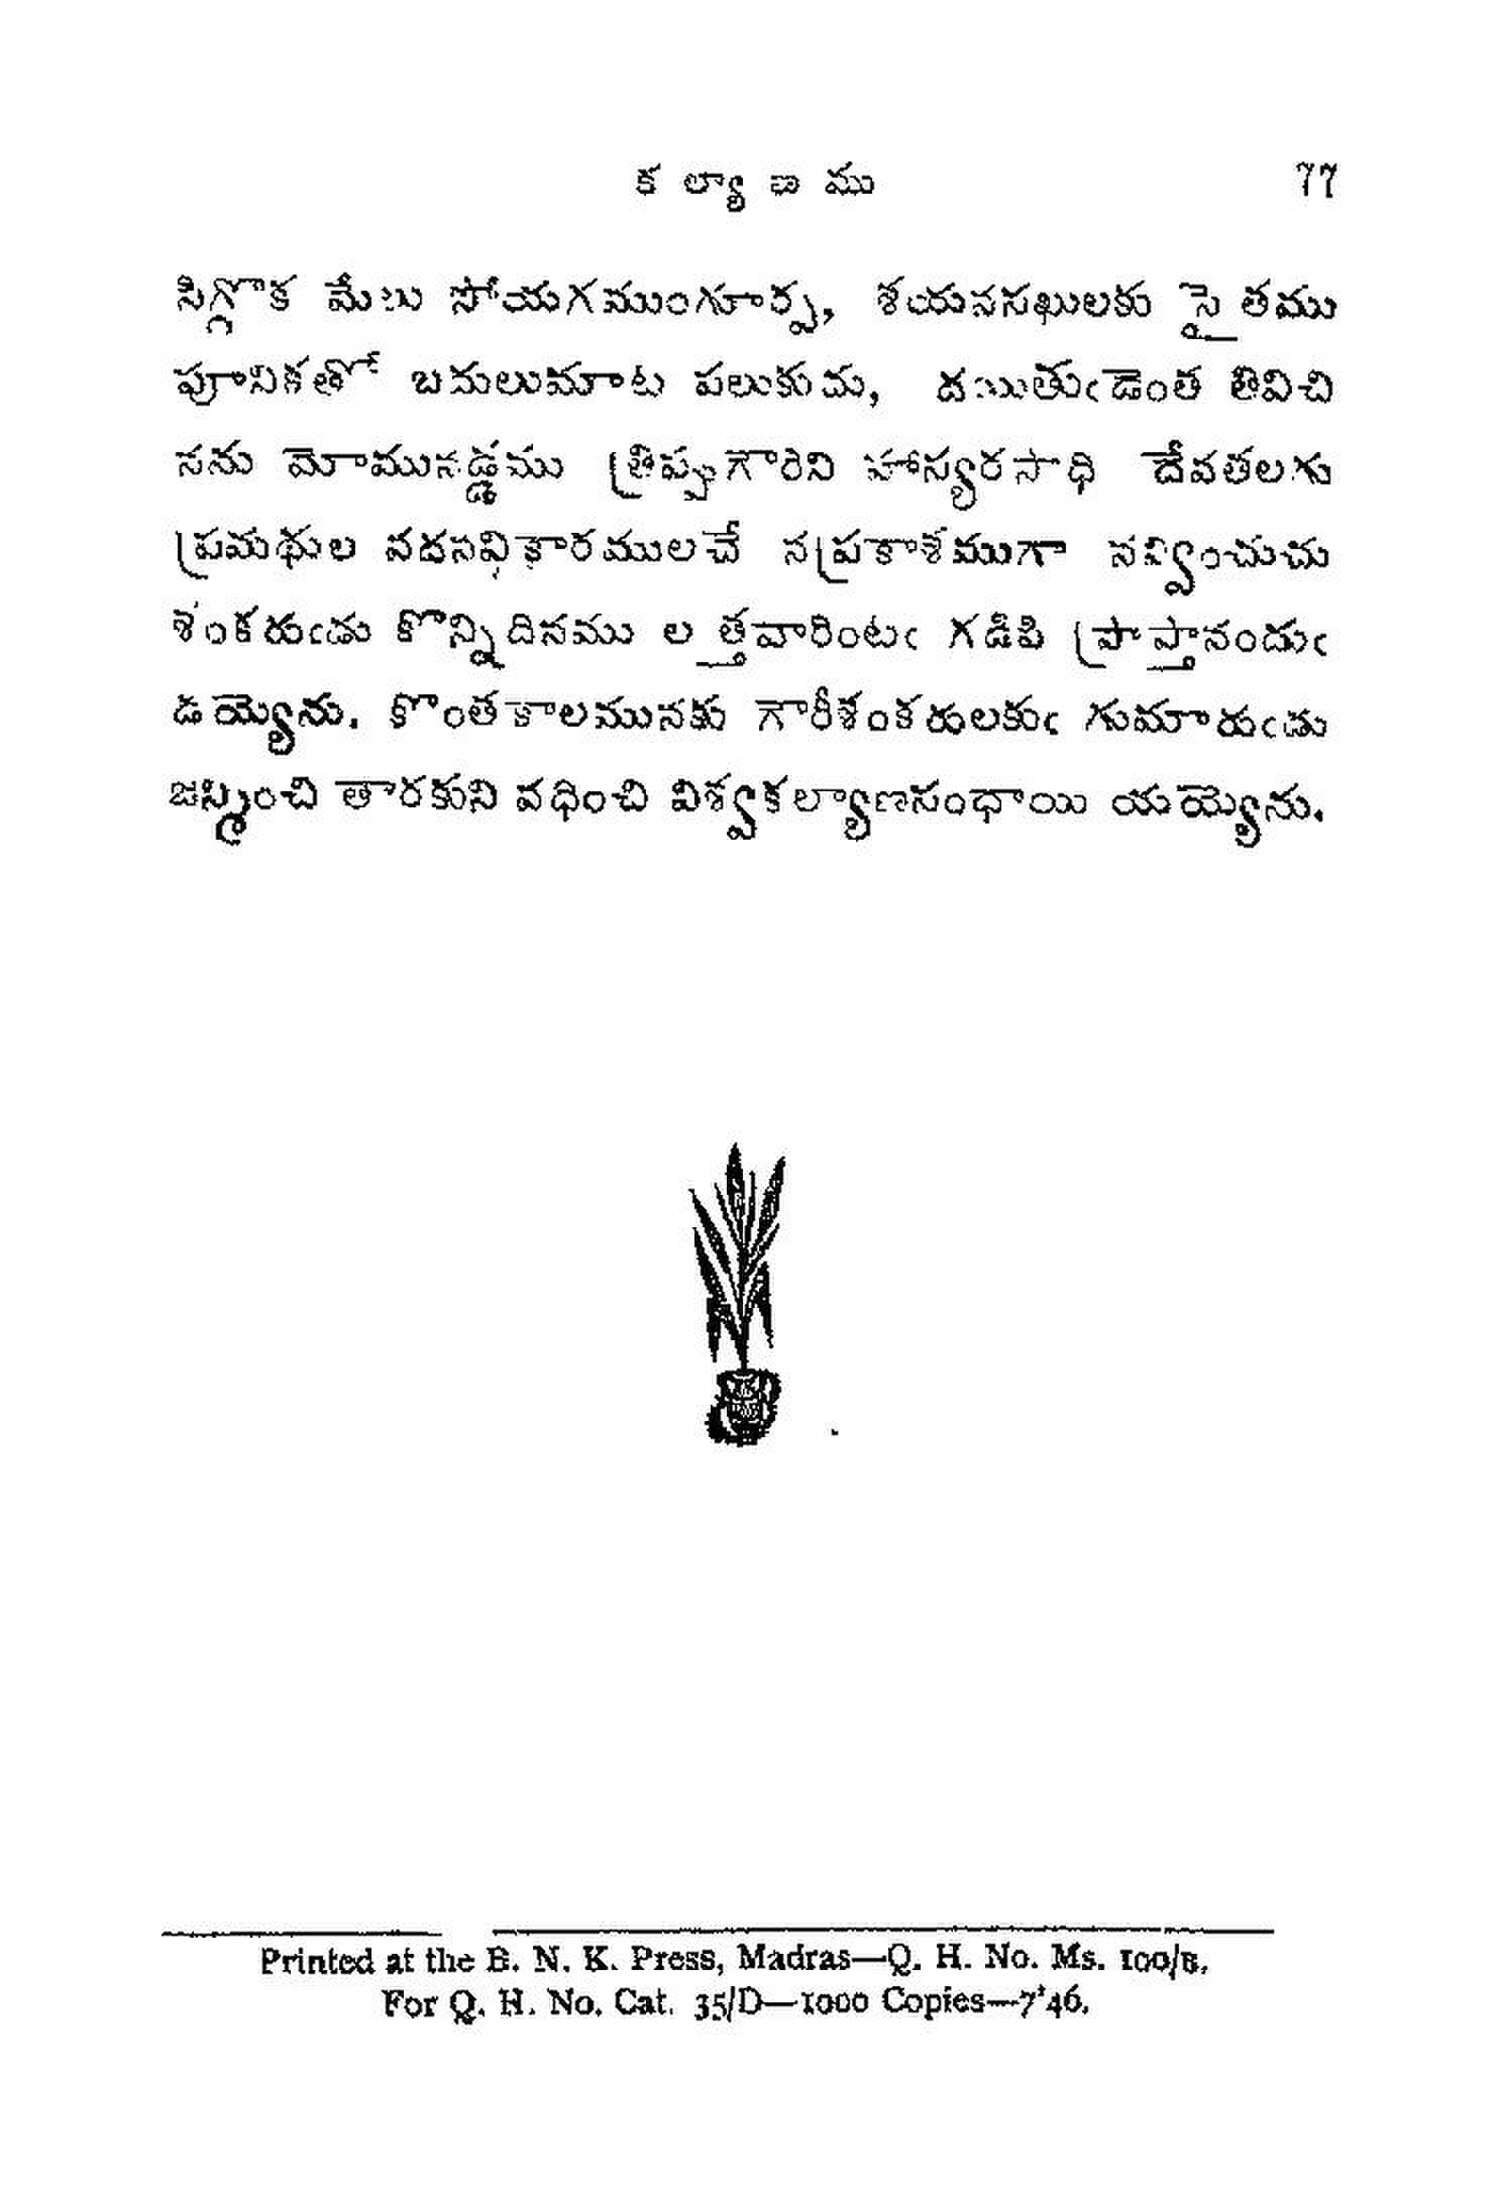సిగ్గొక మేలు సోయగముం గూర్ప, శయనసఖులకు సైతము పూనికతో బదులుమాట పలుకుచు, దబుతుఁడెంత తివిచి
నను మోమునడ్డము త్రిప్పుగౌరిని హాస్యరసాధి దేవతలగు ప్రమథుల వదసవికారములచే నప్రకాశముగా నవ్వించుచు
శంకరుఁడు కొన్నిదినము లత్తవారింటఁ గడిపి ప్రాప్తానందుఁ డయ్యెను. కొంతకాలమునకు గౌరీశంకరులకుఁ గుమారుఁడు
జన్మించి తారకుని వధించి విశ్వకల్యాణసంధాయి యయ్యెను.